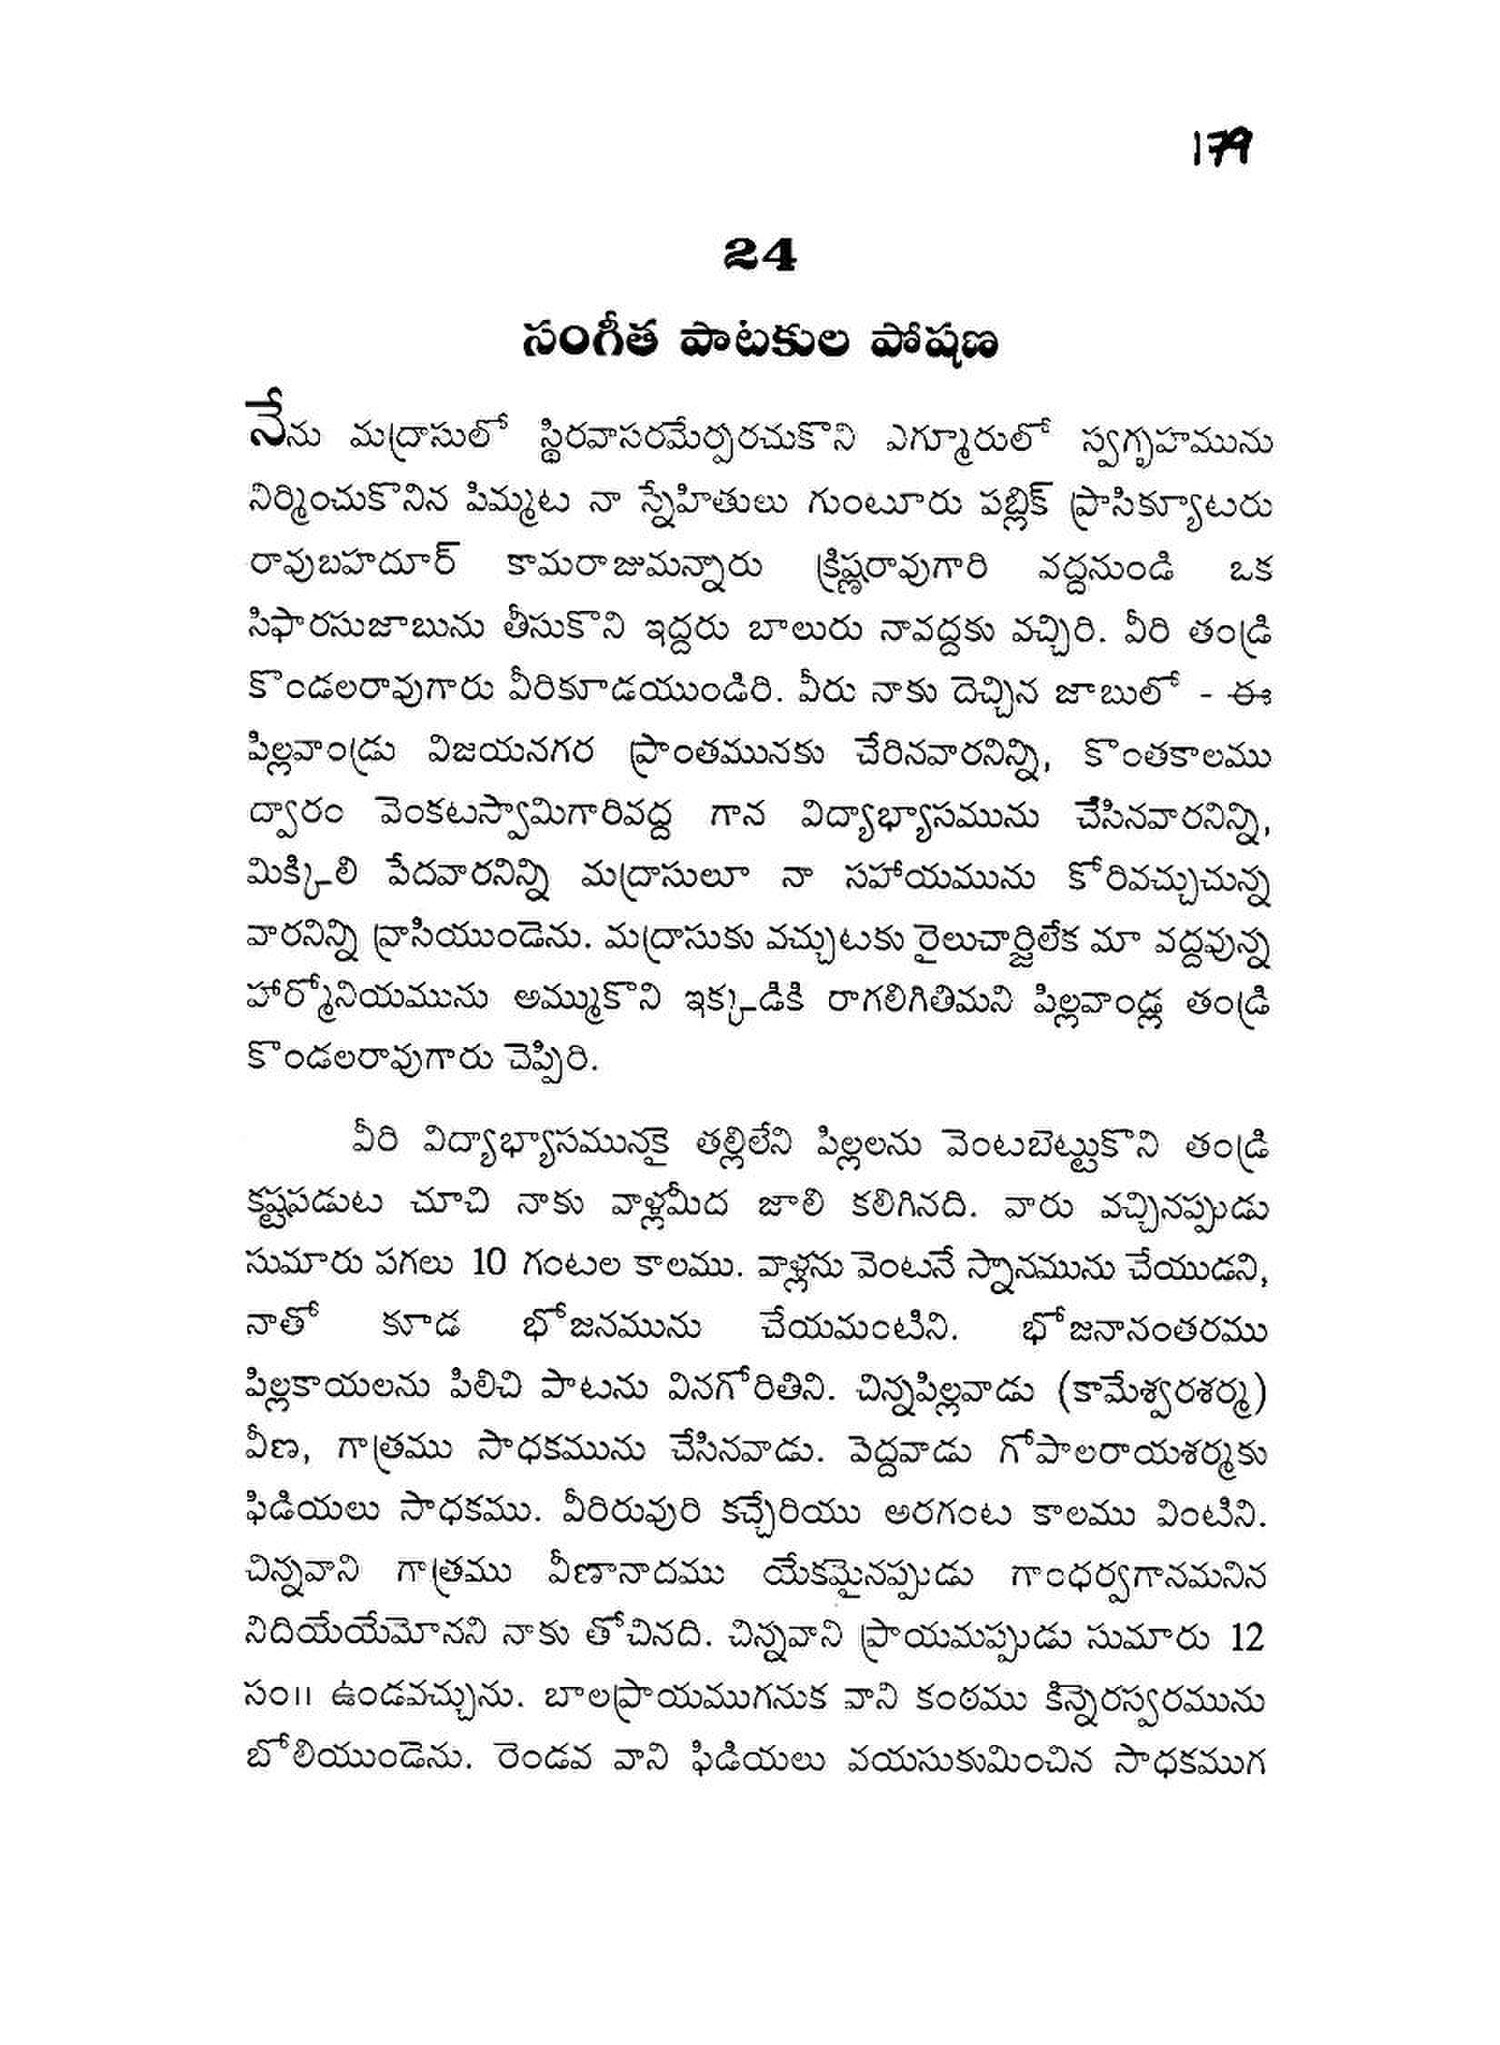నేను మద్రాసులో స్థిరవాసరమేర్పరచుకొని ఎగ్మూరులో స్వగృహమును నిర్మించుకొనిన పిమ్మట నా స్నేహితులు గుంటూరు పబ్లిక్ ప్రాసిక్యూటరు రావు బహదూర్ కామరాజమన్నారు క్రిష్టరావుగారి వద్దనుండి ఒక సిఫారసుజాబును తీసుకొని ఇద్దరు బాలురు నావద్దకు వచ్చిరి. వీరి తండ్రి కొండలరావుగారు వీరికూడయుండిరి. వీరు నాకు దెచ్చిన జాబులో - ఈ పిల్లవాండ్రు విజయనగర ప్రాంతమునకు చేరినవారనిన్ని, కొంతకాలము ద్వారం వెంకటస్వామిగారివద్ద గాన విద్యాభ్యాసమును చేసినవారనిన్ని, మిక్కిలి పేదవారనిన్ని మద్రాసులో నా సహాయమును కోరివచ్చుచున్న వారనిన్ని వ్రాసియుండెను. మద్రాసుకు వచ్చుటకు రైలుచార్జిలేక మా వద్దవున్న హార్మోనియమును అమ్ముకొని ఇక్కడికి రాగలిగితిమని పిల్లవాండ్ల తండ్రి కొండలరావుగారు చెప్పిరి.

వీరి విద్యాభ్యాసమునకై తల్లిలేని పిల్లలను వెంటబెట్టుకొని తండ్రి కష్టపడుట చూచి నాకు వాళ్లమీద జాలి కలిగినది. వారు వచ్చినప్పడు సుమారు పగలు 10 గంటల కాలము. వాళ్లను వెంటనే స్నానమును చేయుడని, నాతో కూడ భోజనమును చేయమంటిని, భోజనానంతరము పిల్లకాయలను పిలిచి పాటను వినగోరితిని. చిన్నపిల్లవాడు (కామేశ్వరశర్మ) వీణ, గాత్రము సాధకమును చేసినవాడు. పెద్దవాడు గోపాలరాయశర్మకు ఫిడియలు సాధకము. వీరిరువురి కచ్చేరియు అరగంట కాలము వింటిని. చిన్నవాని గాత్రము వీణానాదము యేకమైనప్పడు గాంధర్వగానమనిన నిదియేయేమోనని నాకు తోచినది. చిన్నవాని ప్రాయమప్పడు సుమారు 12 సం|| ఉండవచ్చును. బాలప్రాయముగనుక వాని కంఠము కిన్నెరస్వరమును బోలియుండెను. రెండవ వాని ఫిడియలు వయసుకుమించిన సాధకముగ